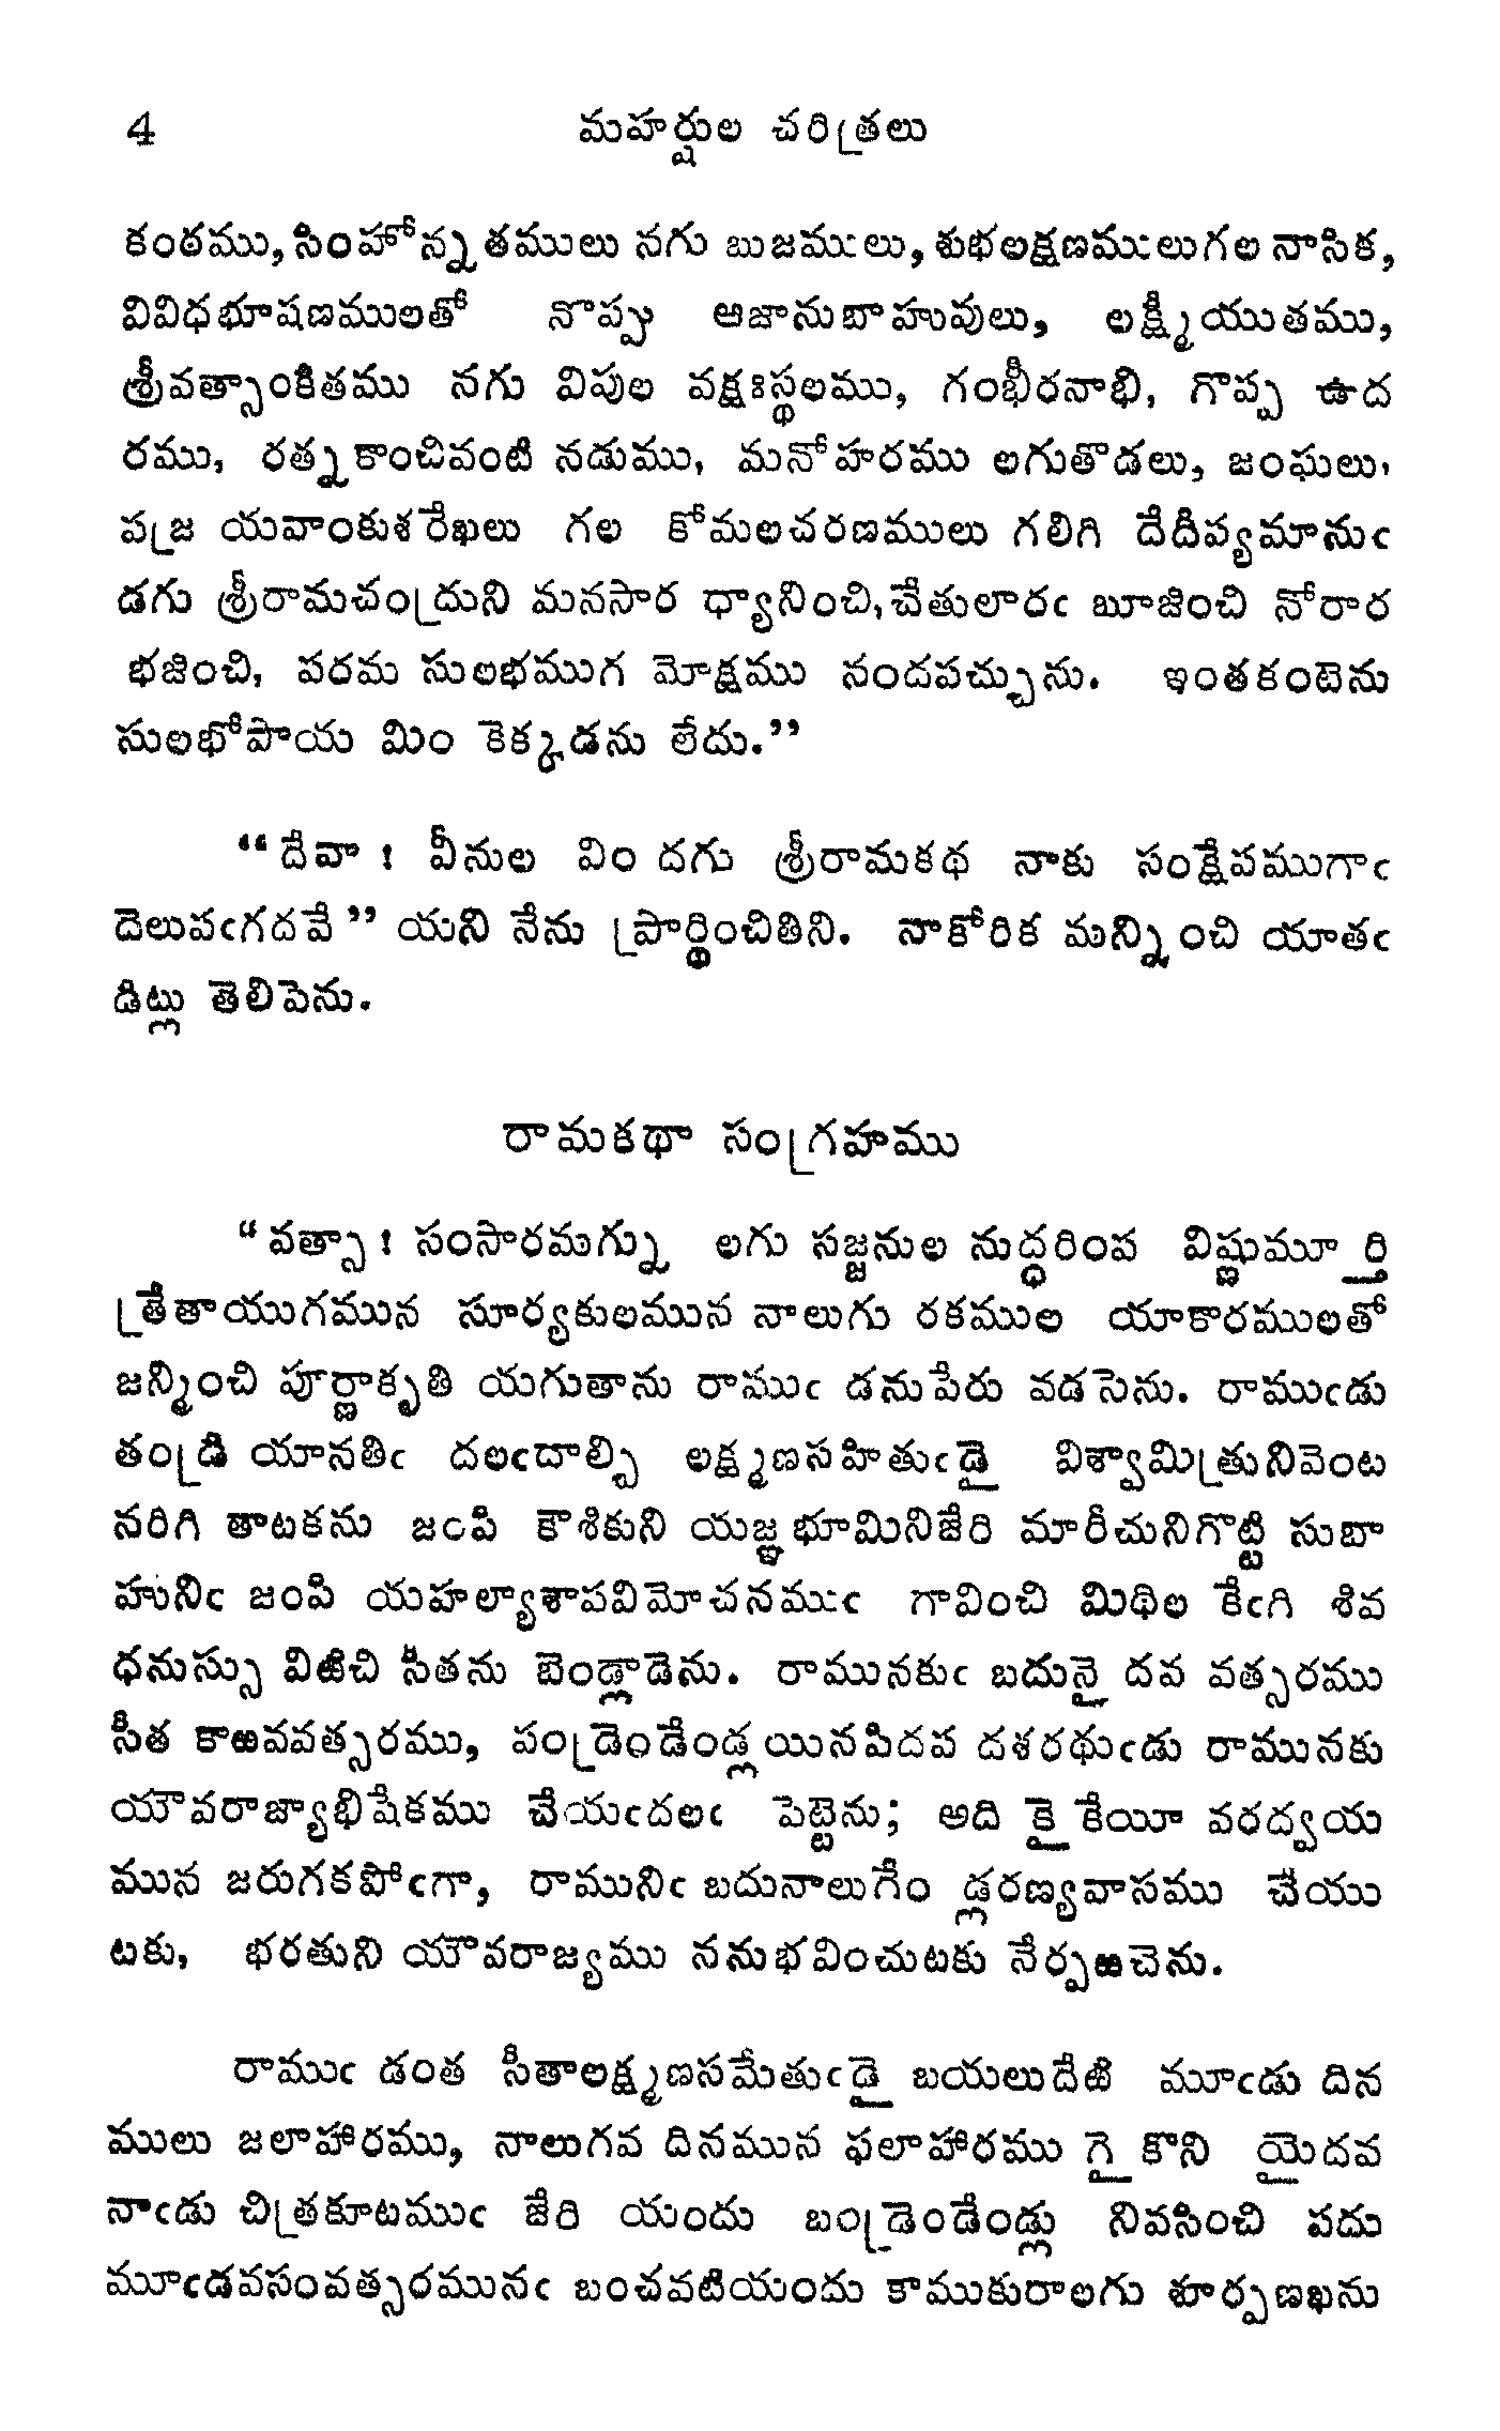కంఠము, సింహోన్నతములు నగు భుజములు, శుభలక్షణములుగల నాసిక, వివిధభూషణములతో నొప్పు ఆజానుబాహువులు, లక్ష్మీయుతము, శ్రీవత్సాంకితము నగు విపుల వక్షఃస్థలము, గంభీరనాభి, గొప్ప ఉదరము, రత్నకాంచివంటి నడుము, మనోహరము లగు తొడలు, జంఘలు, వజ్ర యవాంకుశరేఖలు గల కోమలచరణములు గలిగి దేదీప్యమాను డగు శ్రీరామచంద్రుని మనసార ధ్యానించి, చేతులార బూజించి నోరార భజించి, పరమ సులభముగ మోక్షము నందవచ్చును. ఇంతకంటెను సులభోపాయ మిం కెక్కడను లేదు."

"దేవా ! వీనుల విందగు శ్రీరామకథ నాకు సంక్షేపముగా దెలుపగదవే" యని నేను ప్రార్థించితిని. నాకోరిక మన్నించి యాత డిట్లు తెలిపెను.

"వత్సా ! సంసారమగ్ను లగు సజ్జనుల నుద్ధరింప విష్ణుమూర్తి త్రేతాయుగమున సూర్యకులమున నాలుగు రకముల యాకారములతో జన్మించి పూర్ణాకృతి యగుతాను రాము డనుపేరు వడసెను. రాముడు తండ్రి యానతి దలదాల్చి లక్ష్మణసహితుడై విశ్వామిత్రునివెంట నరిగి తాటకను జంపి కౌశికుని యజ్ఞభూమినిజేరి మారీచునిగొట్టి సుబాహుని జంపి యహల్యాశాపవిమోచనము గావించి మిథిల కేగి శివధనుస్సు విరిచి సీతను బెండ్లాడెను. రామునకు బదునైదవ వత్సరము సీత కారవవత్సరము, పండ్రెండేండ్ల యైనపిదప దశరథుడు రామునకు యౌవరాజ్యాభిషేకము చేయదల పెట్టెను; అది కైకేయీ వరద్వయమున జరుగకపోగా, రాముని బదునాలుగేం డ్లరణ్యవాసము చేయుటకు, భరతుని యౌవరాజ్యము ననుభవించుటకు నేర్పరచెను.

రాము డంత సీతాలక్ష్మణసమేతుడై బయలుదేరి మూడు దినములు జలాహారము, నాలుగవ దినమున ఫలాహారము గైకొని యైదవనాడు చిత్రకూటము జేరి యందు బండ్రెండేండ్లు నివసించి పదు మూడవ సంవత్సరమున బంచవటియందు కాముకురాలగు శూర్పణఖను